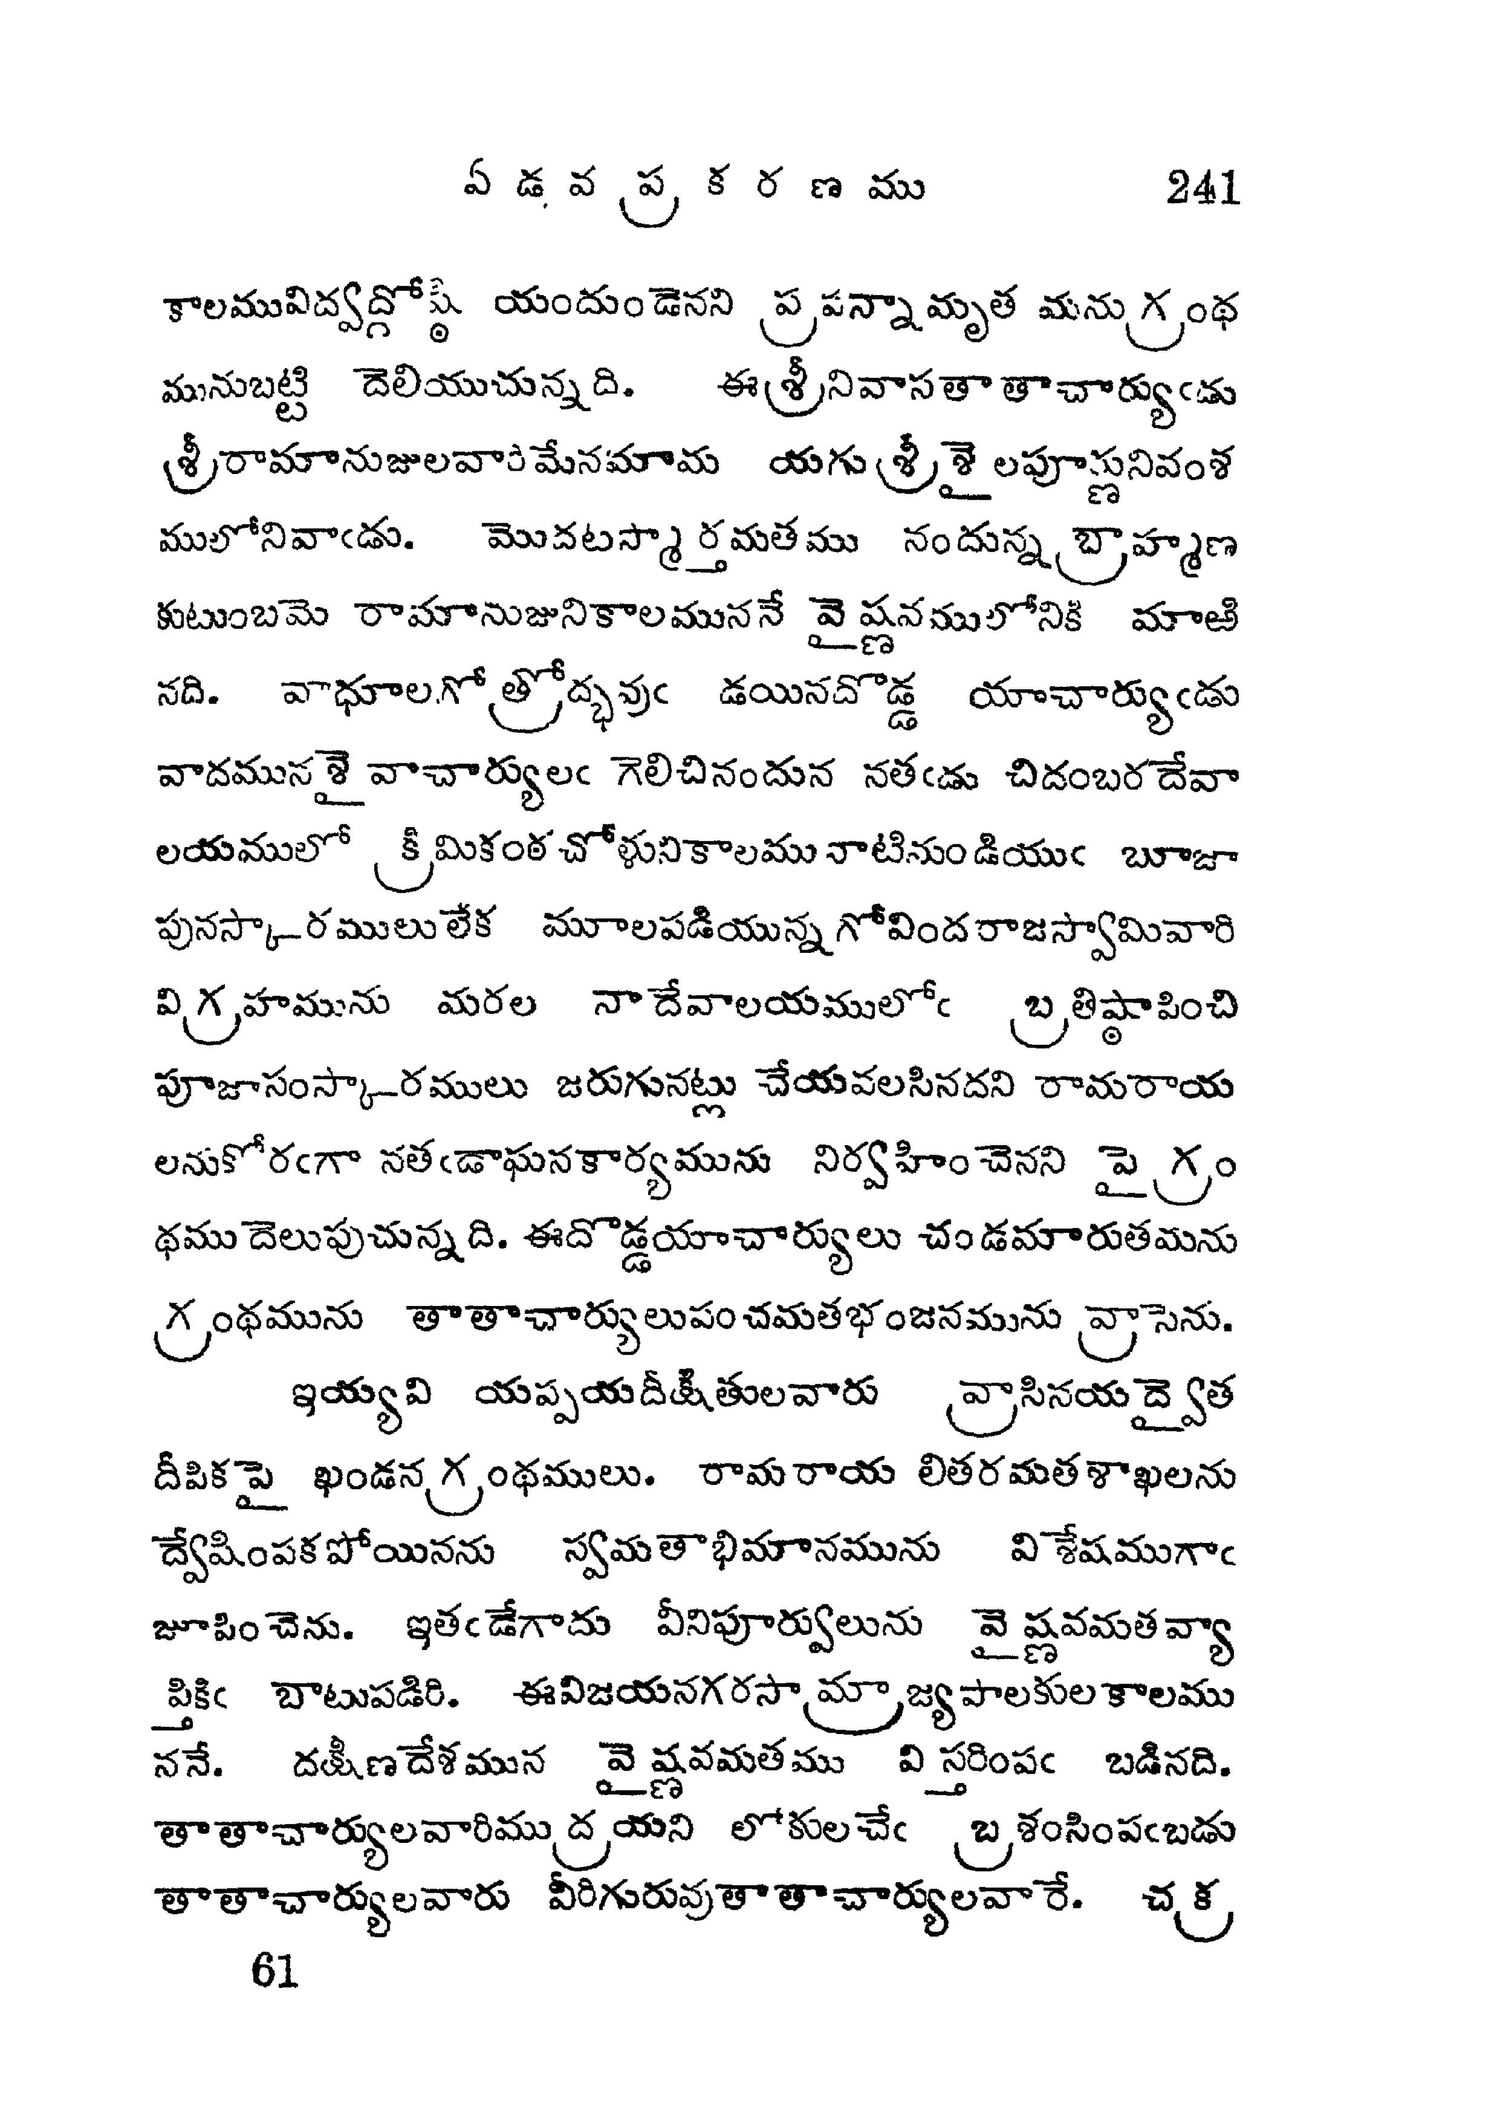కాలము విద్వద్గోష్ఠి యందుండెనని ప్రపన్నామృత మనుగ్రంథమునుబట్టి దెలియుచున్నది. ఈశ్రీనివాసతాతాచార్యుడు శ్రీరామానుజులవారి మేనమామ యగు శ్రీశైలపూర్ణునివంశములోనివాడు. మొదటస్మార్తమతము నందున్నబ్రాహ్మణ కుటుంబమె రామానుజునికాలముననే వైష్ణవములోనికి మాఱినది. వాధూలగోత్రోద్భవు డయినదొడ్డ యాచార్యుడు వాదమునశైవాచార్యుల గెలిచినందున నతడు చిదంబరదేవాలయములో క్రిమికంఠ చోళునికాలము నాటినుండియు బూజాపునస్కారములులేక మూలపడియున్న గోవిందరాజస్వామివారి విగ్రహమును మరల నాదేవాలయములో బ్రతిష్ఠాపించి పూజాసంస్కారములు జరుగునట్లు చేయవలసినదని రామరాయలనుకోరగా నతడాఘనకార్యమును నిర్వహించెనని పైగ్రంథము దెలుపుచున్నది. ఈదొడ్డయాచార్యులు చండమారుతమను గ్రంథమును తాతాచార్యులు పంచమత భంజనమును వ్రాసెను.

ఇయ్యవి యప్పయదీక్షితులవారు వ్రాసినయద్వైత దీపికపై ఖండనగ్రంథములు. రామరాయ లితరమతశాఖలను ద్వేషింపకపోయినను స్వమతాభిమానమును విశేషముగా జూపించెను. ఇతడేగాదు వీనిపూర్వులును వైష్ణవమతవ్యాప్తికి బాటుపడిరి. ఈవిజయనగర సామ్రాజ్యపాలకులకాలముననే, దక్షిణదేశమున వైష్ణవమతము విస్తరింప బడినది. తాతాచార్యులవారి ముద్రయని లోకులచే బ్రశంసింపబడు తాతాచార్యులవారు వీరిగురువుతాతాచార్యులవారే. చక్ర